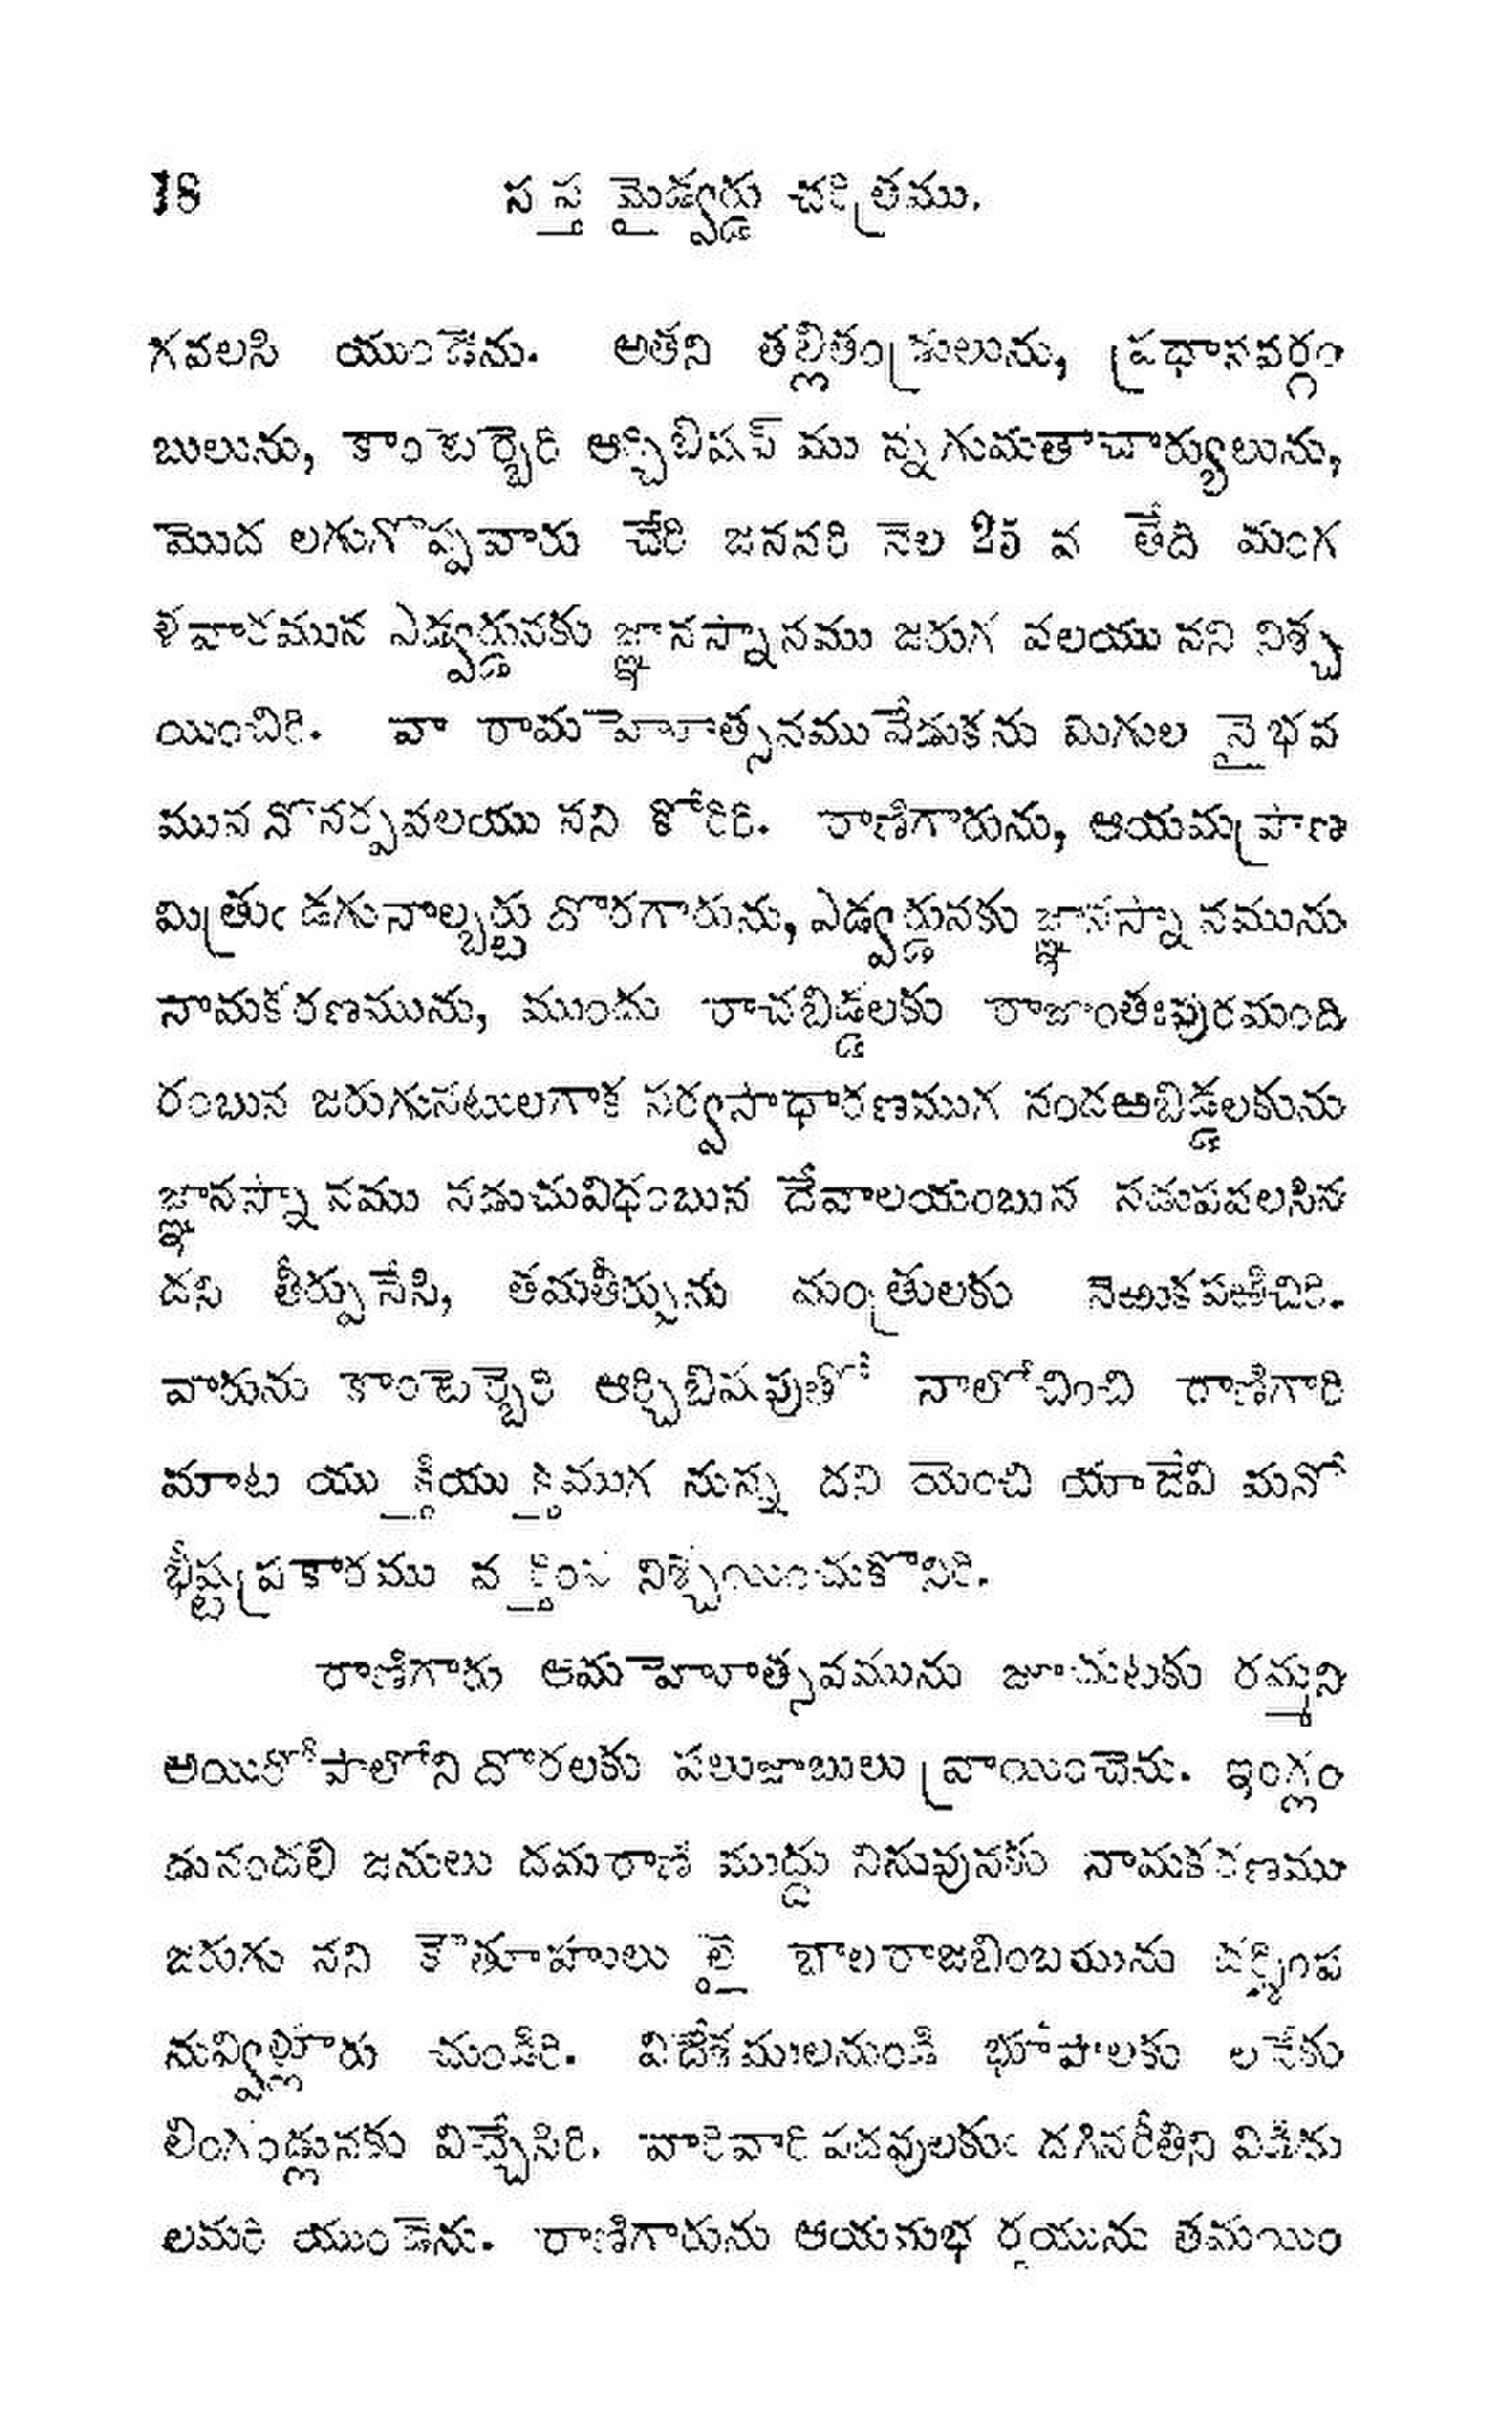గవలసి యుండెను.అతని తల్లితండ్రులును, ప్రధానవర్గంబులును, కాంటెబర్బెరీ ఆర్చిబిషప్ మున్నగుమతాచార్యులును, మొద లగు గొప్పవారు చేరి జనవరి నెల 25వ తేదీ మంగ
ళవారమున ఎడ్వర్డునకు జ్ఞానస్నానము జరుగ వలయు నని నిశ్చయించిరి. వా రామహోత్సవము వేడుకను మిగుల వైభవమున నొనర్పవలయు నని కోరిక. రాణిగారును, ఆయమ ప్రాంణ
మిత్రుఁ డగునాల్బర్టు దొరగారును, ఎడ్వర్డునకు జ్ఞానస్నానమునునామక రణమును, ముందు రాచబిడ్డలకు రాజుంతః పురమందిరంబున జరుగునటుల గాక సర్వసాధారణముగ నండఱ బిడ్డలకును జ్ఞానస్నానము నడుచువిధంబున దేవాలయంబున నడుపవలసిన
దని తీర్పు నేసి, తమతీర్చును మంత్రులకు నెఱుక పజిచిరి . .వారును 'కాంటెర్బెరి ఆర్చిబిషపు నాలోచించి రాణిగారిమాట యుక్తియు క్రిముగ నున్న దని యెంచి యాదేవి మనో
భీష్ట ప్రకారము వర్తించి నిశ్చయించుకొనిరి.

రాణీగారు అమ హోత్సవమును జూచుటకు రమ్మని అయిరోపా లోని దొరలకు పలుజాబులు వ్రాయించెను. ఇంగ్లండునందలి జనులు దమరాణీ ముద్దు శ్శువునకు నామక కణము
జరుగు నని కౌతూహులు శ్రీ బాల రాజబింబమును దరింపు నువ్విల్లూరు. చుండిరి. వి.దేశములనుండి. భూపాలకు లనేకు లింగండ్లునకు విచ్చేసిరి. "వారివారి పదవులకుఁ దగిన రీతిని విడిదిలమరి యుండెను. రాణిగారును ఆయమభర్తయును తమయిం